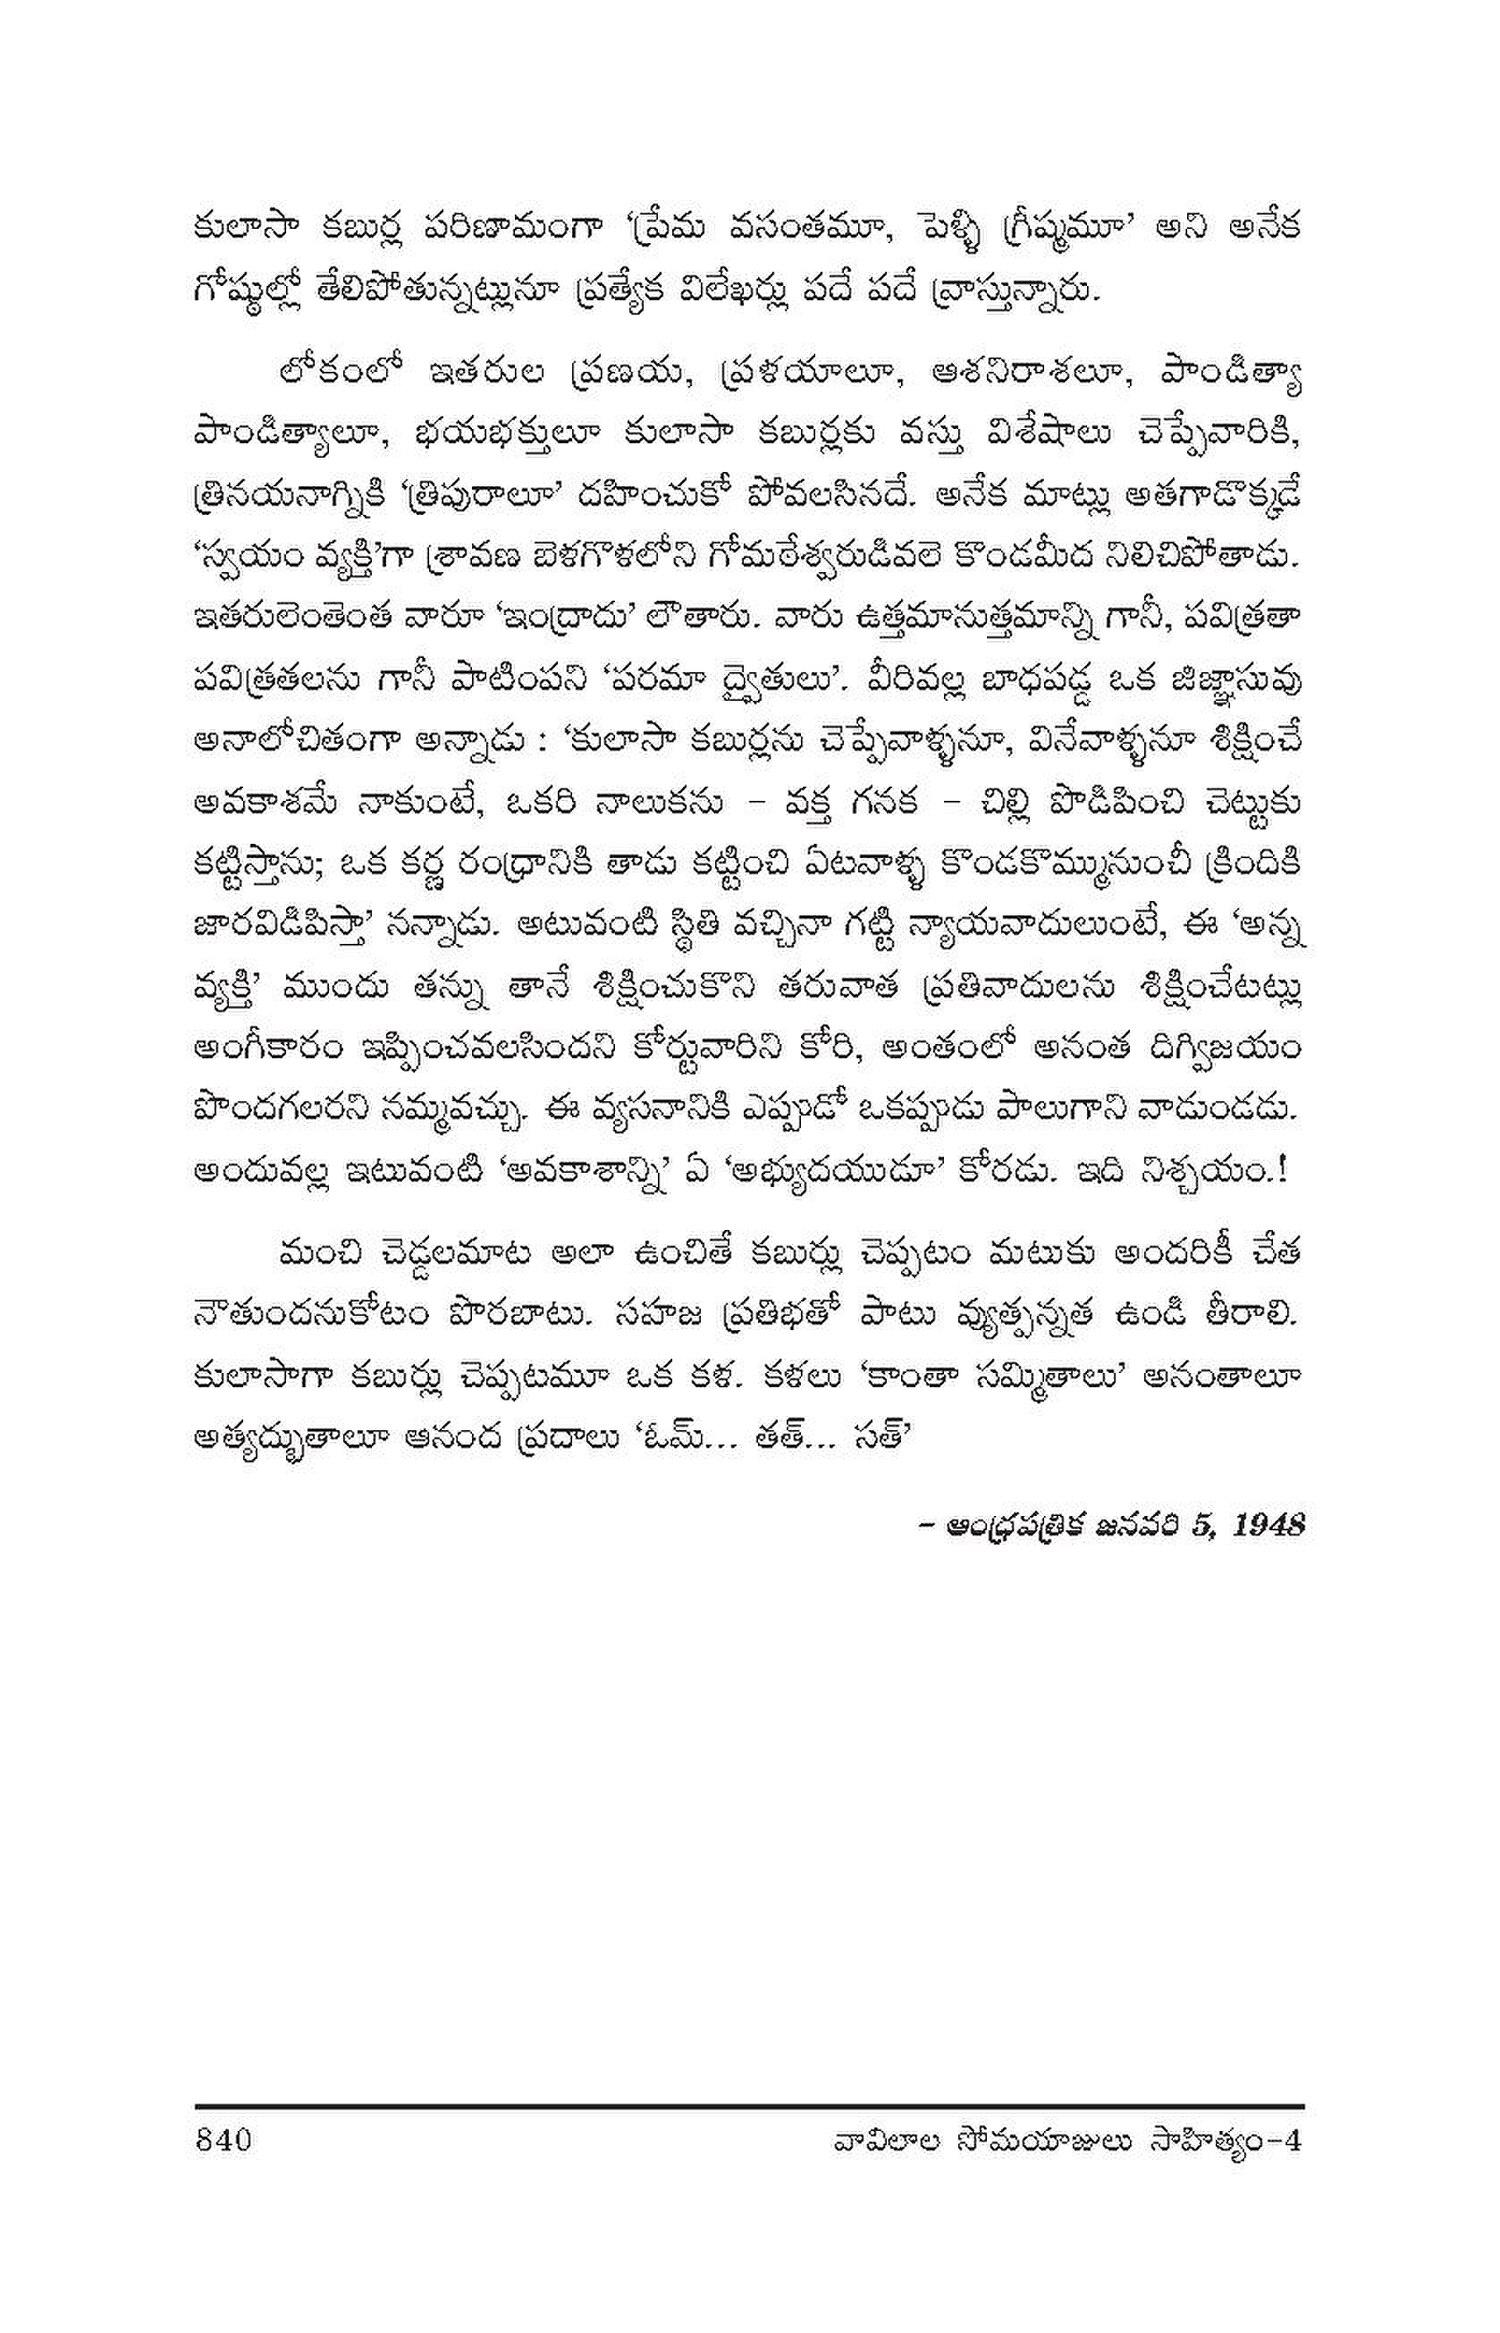కులాసా కబుర్ల పరిణామంగా 'ప్రేమ వసంతమూ, పెళ్ళి గ్రీష్మమూ' అని అనేక
గోష్ఠుల్లో తేలిపోతున్నట్లునూ ప్రత్యేక విలేఖర్లు పదే పదే వ్రాస్తున్నారు.

లోకంలో ఇతరుల ప్రణయ, ప్రళయాలూ, ఆశనిరాశలూ, పాండిత్యా
పాండిత్యాలూ, భయభక్తులూ కులాసా కబుర్లకు వస్తు విశేషాలు చెప్పేవారికి,
త్రినయనాగ్నికి 'త్రిపురాలూ' దహించుకో పోవలసినదే. అనేక మాట్లు అతగాడొక్కడే
‘స్వయం వ్యక్తి'గా శ్రావణ బెళగొళలోని గోమఠేశ్వరుడివలె కొండమీద నిలిచిపోతాడు.
ఇతరులెంతెంత వారూ 'ఇంద్రాదు' లౌతారు. వారు ఉత్తమానుత్తమాన్ని గానీ, పవిత్రతా
పవిత్రతలను గానీ పాటింపని 'పరమా ద్వైతులు'. వీరివల్ల బాధపడ్డ ఒక జిజ్ఞాసువు
అనాలోచితంగా అన్నాడు : 'కులాసా కబుర్లను చెప్పేవాళ్ళనూ, వినేవాళ్ళనూ శిక్షించే
అవకాశమే నాకుంటే, ఒకరి నాలుకను - వక్త గనక - చిల్లి పొడిపించి చెట్టుకు
కట్టిస్తాను; ఒక కర్ణ రంధ్రానికి తాడు కట్టించి ఏటవాళ్ళ కొండకొమ్మునుంచీ క్రిందికి
జారవిడిపిస్తా' నన్నాడు. అటువంటి స్థితి వచ్చినా గట్టి న్యాయవాదులుంటే, ఈ 'అన్న
వ్యక్తి' ముందు తన్ను తానే శిక్షించుకొని తరువాత ప్రతివాదులను శిక్షించేటట్లు
అంగీకారం ఇప్పించవలసిందని కోర్టువారిని కోరి, అంతంలో అనంత దిగ్విజయం
పొందగలరని నమ్మవచ్చు. ఈ వ్యసనానికి ఎప్పుడో ఒకప్పుడు పాలుగాని వాడుండడు.
అందువల్ల ఇటువంటి 'అవకాశాన్ని' ఏ 'అభ్యుదయుడూ' కోరడు. ఇది నిశ్చయం.!

మంచి చెడ్డలమాట అలా ఉంచితే కబుర్లు చెప్పటం మటుకు అందరికీ చేత
నౌతుందనుకోటం పొరబాటు. సహజ ప్రతిభతో పాటు వ్యుత్పన్నత ఉండి తీరాలి.
కులాసాగా కబుర్లు చెప్పటమూ ఒక కళ. కళలు 'కాంతా సమ్మితాలు' అనంతాలూ
అత్యద్భుతాలూ ఆనంద ప్రదాలు 'ఓమ్... తత్... సత్'